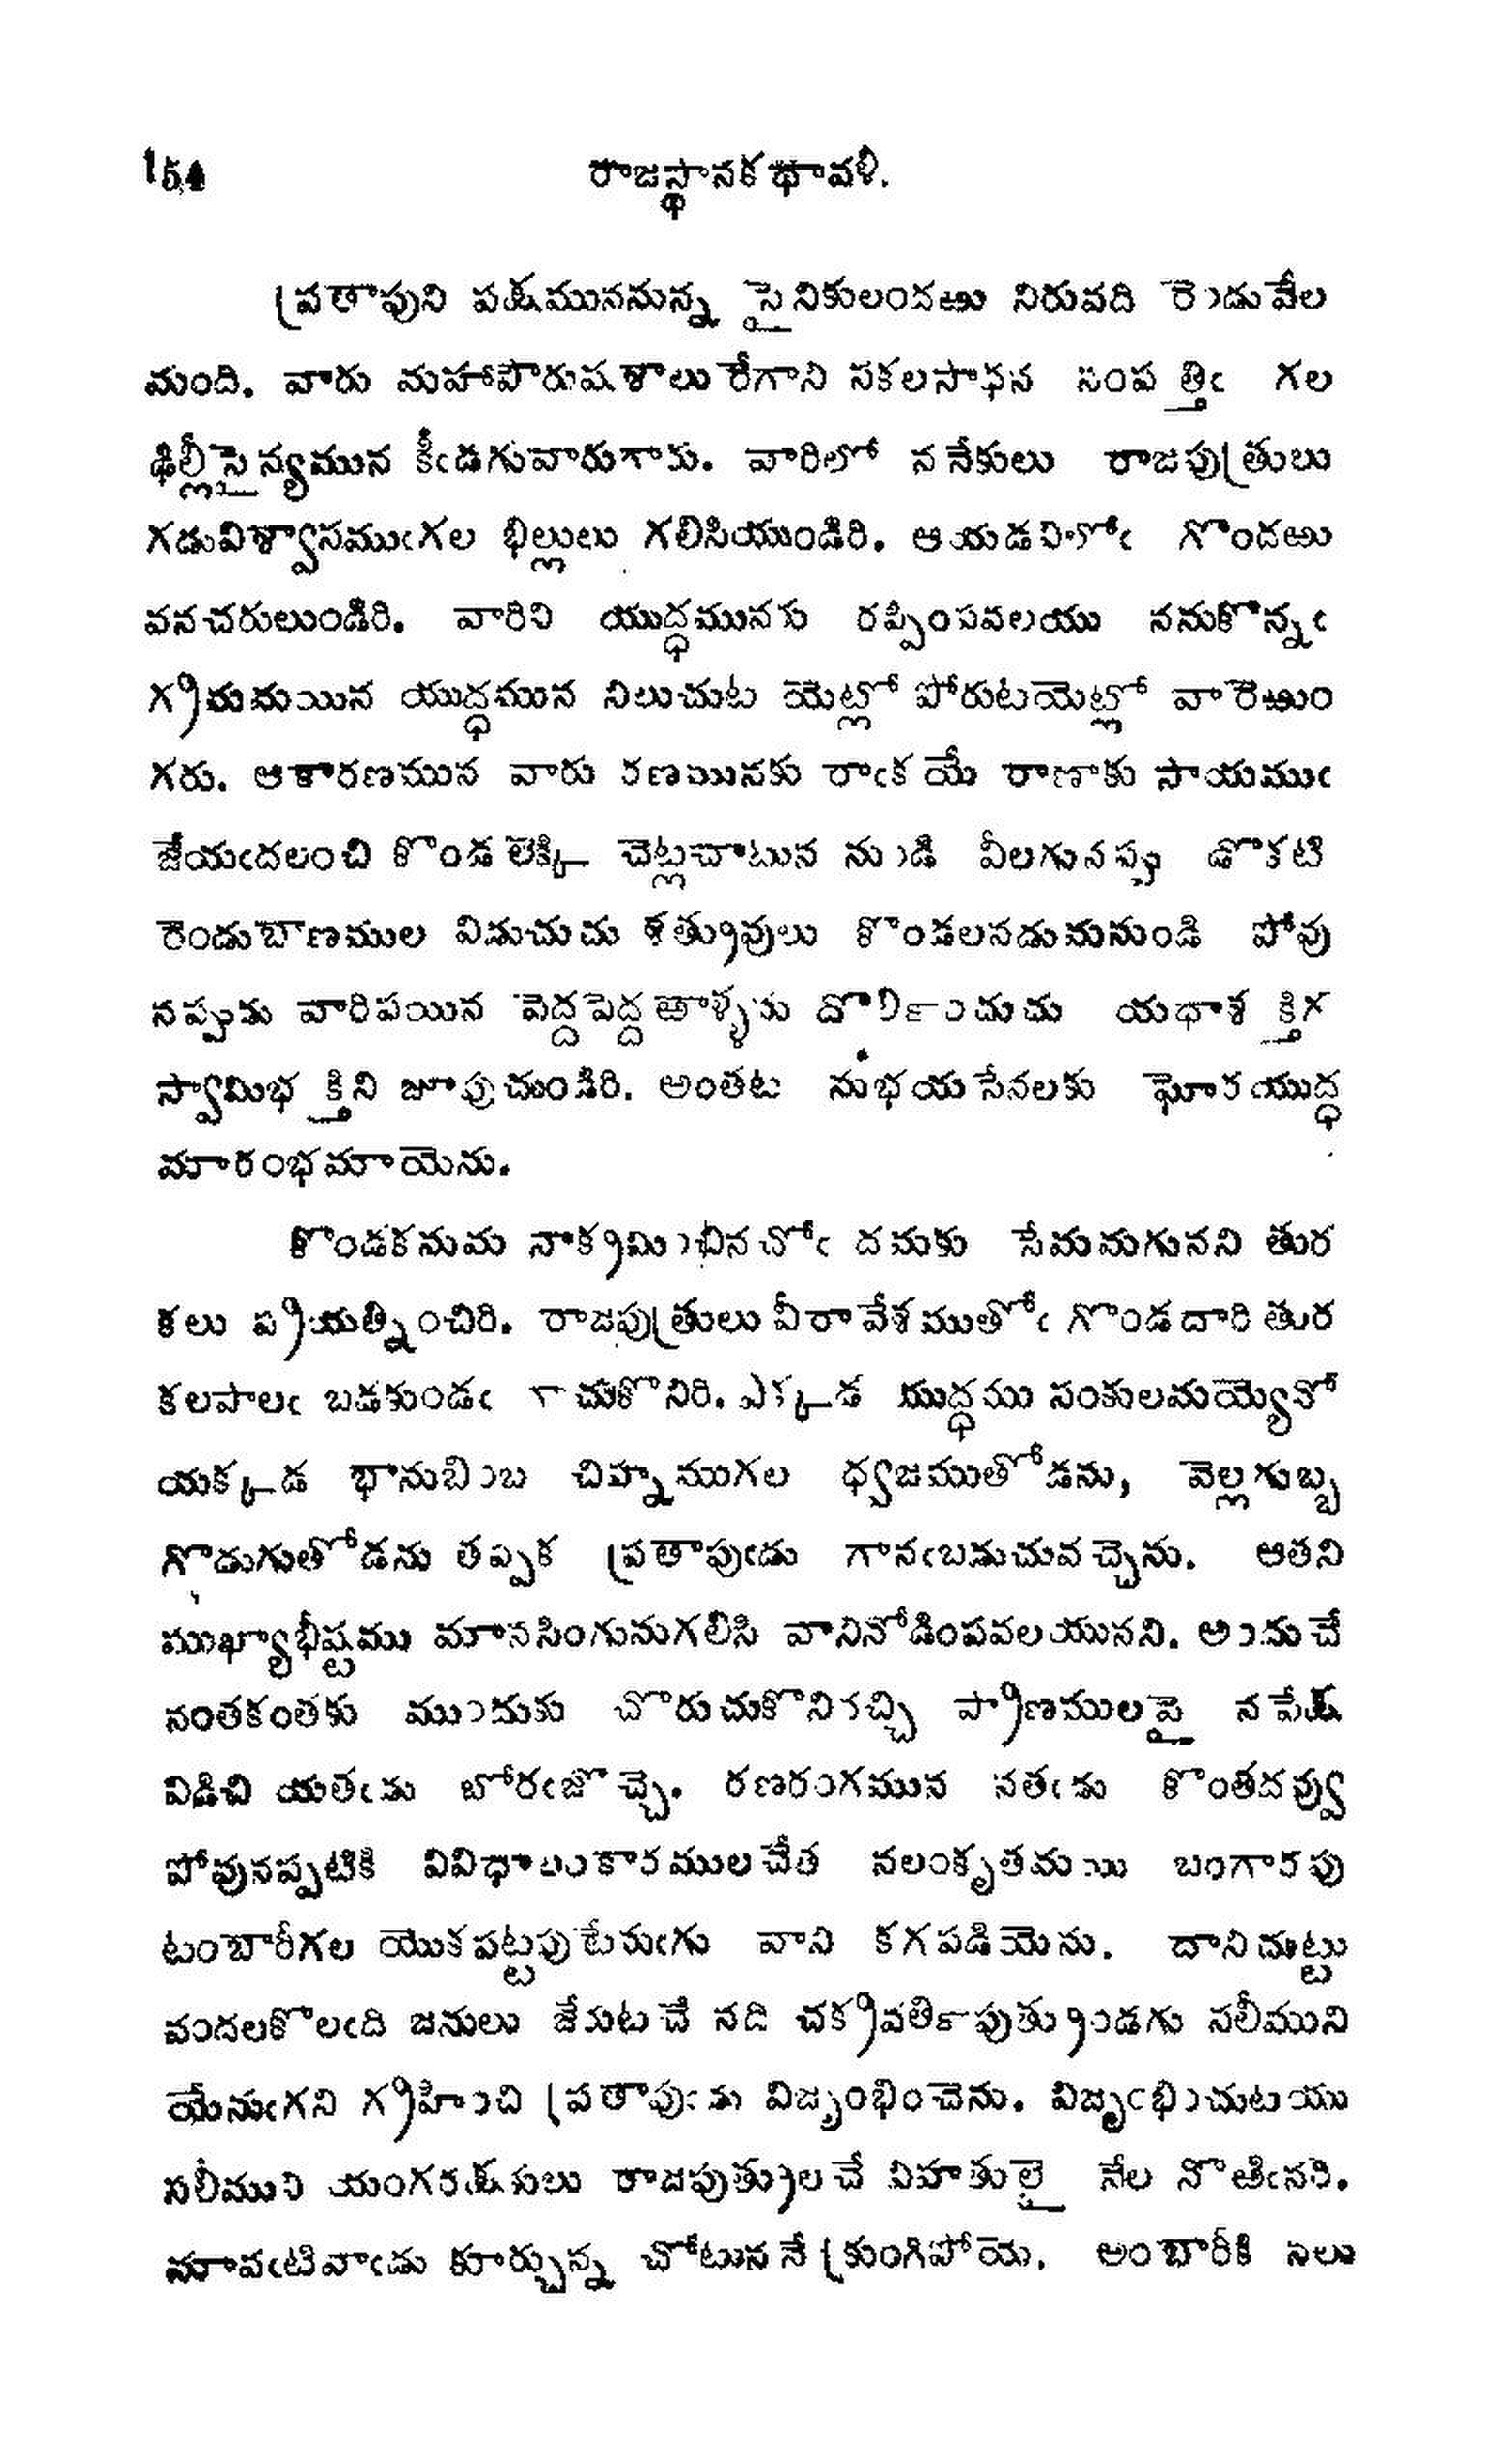ప్రతాపుని పక్షముననున్న సైనికులందఱు నిరువది రెండు వేల మంది. వారు మహా పౌరుషశాలురేగాని సకలసాధన సంపత్తి గల ఢిల్లీ సైన్యమున కీఁడగువారు గారు. వారిలో ననేకులు రాజపుత్రులు గడువిశ్వాసముఁగల భిల్లులు గలిసియుండిరి. ఆయడవిలో గొందఱు
వనచరులుండిరి. వారిని యుద్ధమునకు రప్పింపవలయు ననుకొన్నఁ గ్రమమయిన యుద్ధమున నిలుచుట యెట్లో పోరుటయెట్లో వారెఱుం
గరు. ఆకారణమున వారు రణమునకు రాఁక యే రాణాకు సాయముఁ జేయఁదలంచి కొండ లెక్కి చెట్ల చాటున నుండి వీలగునప్పు డొకటి
రెండు బాణముల విడుచుచు శత్రువులు కొండలనడుమునుండి పోవునప్పుడు వారిపయిన 'పెద్ద పెద్ద ఱాళ్ళను దొలి౯ంచుచు యధాశక్తిగ
స్వామిభక్తిని జూపు చుండిరి. అంతట నుభయ సేనలకు ఘోర యుద్ధ మారంభమాయెను.

కొండకనుమ నాక్రమించిన చోఁ దమకు సేమమగునని తురకలు ప్రయత్నించిరి. రాజపుత్రులు వీరావేశముతోఁ గొండదారి తుర కలపాలఁ బడకుండఁ గాచుకొనిరి. ఎక్కడ యుద్ధము సంకులమయ్యేనో యక్కడ భానుబింబ చిహ్నముగల ధ్వజముతోడను, వెల్ల గుబ్బ గొడుగుతోడను తప్పక ప్రతాపుఁడు గానఁబడుచువచ్చెను. అతని ముఖ్యాభీష్టము మానసింగునుగలిసి వానినోడింపవలయునని. అందుచే నంతకంతకు ముదుకు చొరుచుకొని వచ్చి ప్రాణములపై నపేక్ష విడిచి యతఁడు బోరఁజోచ్చే. రణరంగమున నతఁడు కొంతదవ్వు పోవునప్పటికి వివిధాలంకారముల చేత నలంకృతమయి బంగారపు టంబారీగల యొక పట్టపు టేనుఁగు వాని కగపడియెను, దాని చుట్టు వందలకొలఁది జనులు జేరుటచే నది చక్రవతి౯ పుత్రుడగు సలీముని యేనుఁగని గ్రహించి ప్రతాపుండు విజృంభించెను. విజృంభించుటయు సలీముని యంగరక్షకులు రాజపుత్రులచే విహతులై నేల నొఱిఁసరి. మావఁటివాఁడు కూర్చున్న చోటుననే క్రుంగిపోయె. అంబారీకి నలు